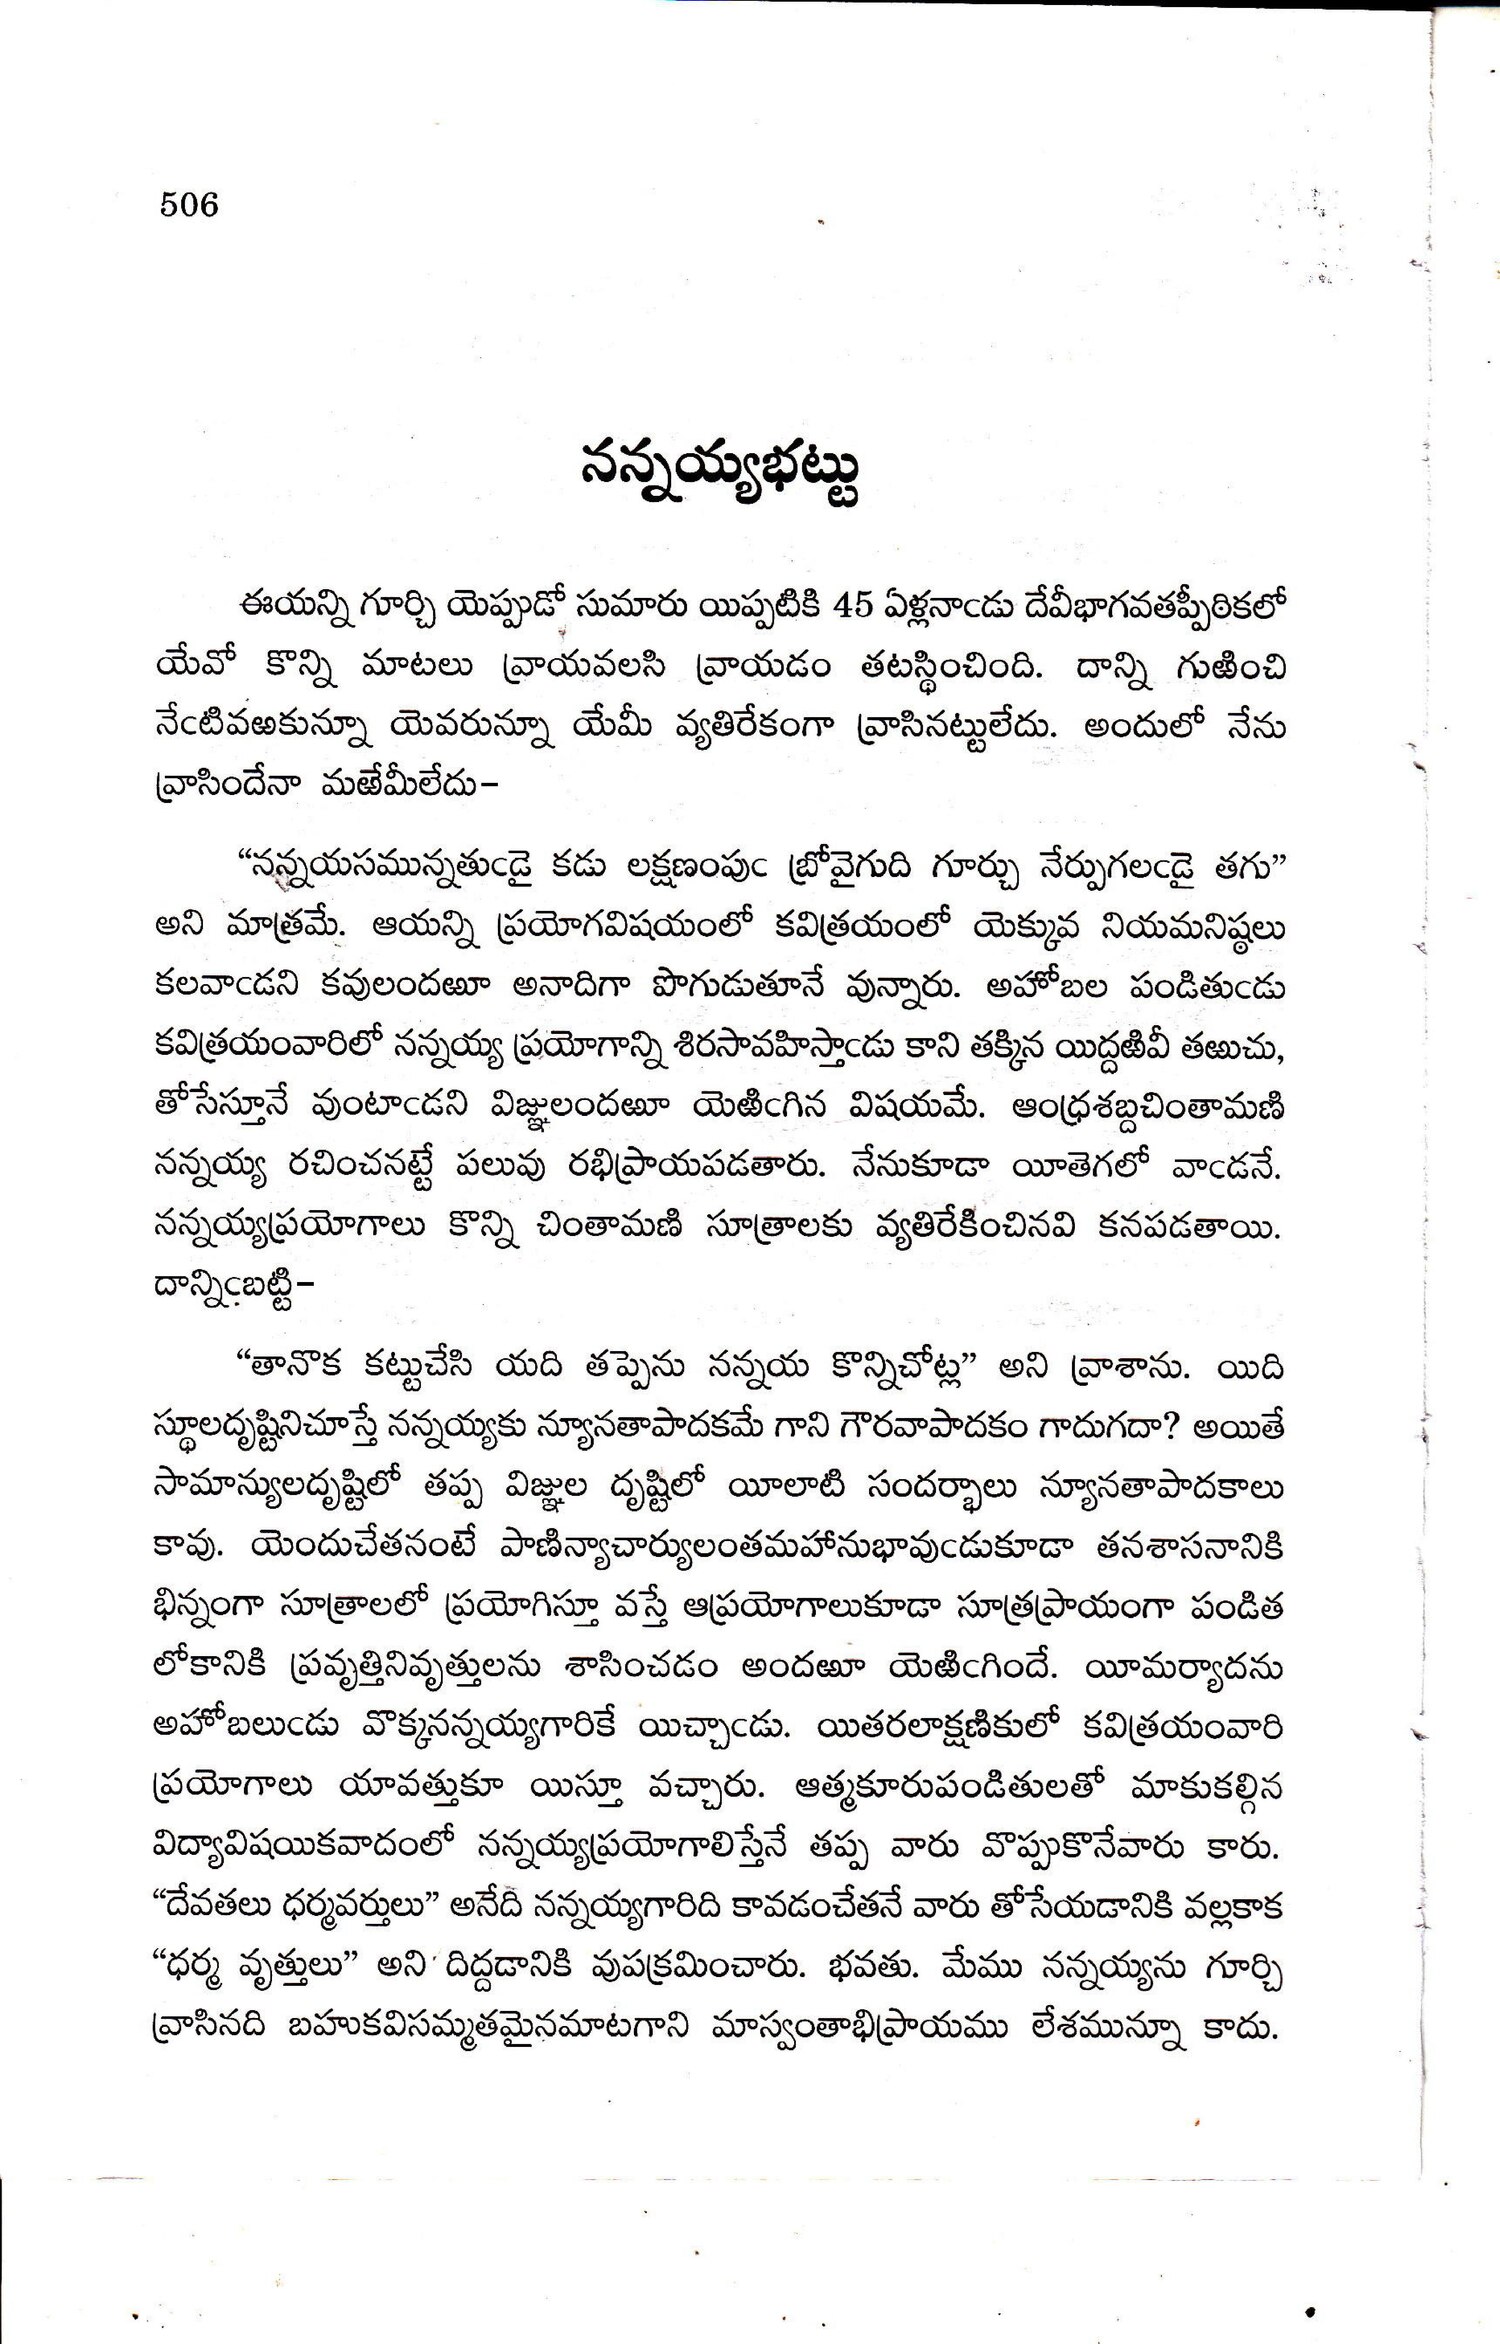నన్నయ్యభట్టు

ఈయన్ని గూర్చి యెప్పుడో సుమారు యిప్పటికి 45 ఏళ్లనాఁడు దేవీభాగవతప్పీఠికలో యేవో కొన్ని మాటలు వ్రాయవలసి వ్రాయడం తటస్థించింది. దాన్ని గుఱించి నేఁటివఱకున్నూ యెవరున్నూ యేమీ వ్యతిరేకంగా వ్రాసినట్టులేదు. అందులో నేను వ్రాసిందేనా మఱేమీలేదు-

“నన్నయసమున్నతుఁడై కడు లక్షణంపుఁ బ్రోవైగుది గూర్చు నేర్పుగలఁడై తగు" అని మాత్రమే. ఆయన్ని ప్రయోగవిషయంలో కవిత్రయంలో యెక్కువ నియమనిష్ఠలు కలవాఁడని కవులందఱూ అనాదిగా పొగుడుతూనే వున్నారు. అహోబల పండితుఁడు కవిత్రయంవారిలో నన్నయ్య ప్రయోగాన్ని శిరసావహిస్తాఁడు కాని తక్కిన యిద్దఱివీ తఱుచు, తోసేస్తూనే వుంటాఁడని విజ్ఞులందఱూ యెఱిఁగిన విషయమే. ఆంధ్రశబ్దచింతామణి నన్నయ్య రచించనట్టే పలువు రభిప్రాయపడతారు. నేనుకూడా యీ తెగలో వాఁడనే. నన్నయ్యప్రయోగాలు కొన్ని చింతామణి సూత్రాలకు వ్యతిరేకించినవి కనపడతాయి. దాన్నిఁబట్టి-

“తానొక కట్టుచేసి యది తప్పెను నన్నయ కొన్నిచోట్ల" అని వ్రాశాను. యిది స్థూలదృష్టినిచూస్తే నన్నయ్యకు న్యూనతాపాదకమే గాని గౌరవాపాదకం గాదుగదా? అయితే సామాన్యులదృష్టిలో తప్ప విజ్ఞుల దృష్టిలో యీలాటి సందర్భాలు న్యూనతాపాదకాలు కావు. యెందుచేతనంటే పాణిన్యాచార్యులంతమహానుభావుఁడుకూడా తనశాసనానికి భిన్నంగా సూత్రాలలో ప్రయోగిస్తూ వస్తే ఆప్రయోగాలుకూడా సూత్రప్రాయంగా పండిత లోకానికి ప్రవృత్తినివృత్తులను శాసించడం అందఱూ యెఱిఁగిందే. యీమర్యాదను అహోబలుఁడు వొక్కనన్నయ్యగారికే యిచ్చాఁడు. యితరలాక్షణికులో కవిత్రయంవారి ప్రయోగాలు యావత్తుకూ యిస్తూ వచ్చారు. ఆత్మకూరుపండితులతో మాకుకల్గిన విద్యావిషయికవాదంలో నన్నయ్యప్రయోగాలిస్తేనే తప్ప వారు వొప్పుకొనేవారు కారు. “దేవతలు ధర్మవర్తులు" అనేది నన్నయ్యగారిది కావడంచేతనే వారు తోసేయడానికి వల్లకాక “ధర్మ వృత్తులు" అని దిద్దడానికి వుపక్రమించారు. భవతు. మేము నన్నయ్యను గూర్చి వ్రాసినది బహుకవిసమ్మతమైనమాటగాని మాస్వంతాభిప్రాయము లేశమున్నూ కాదు.